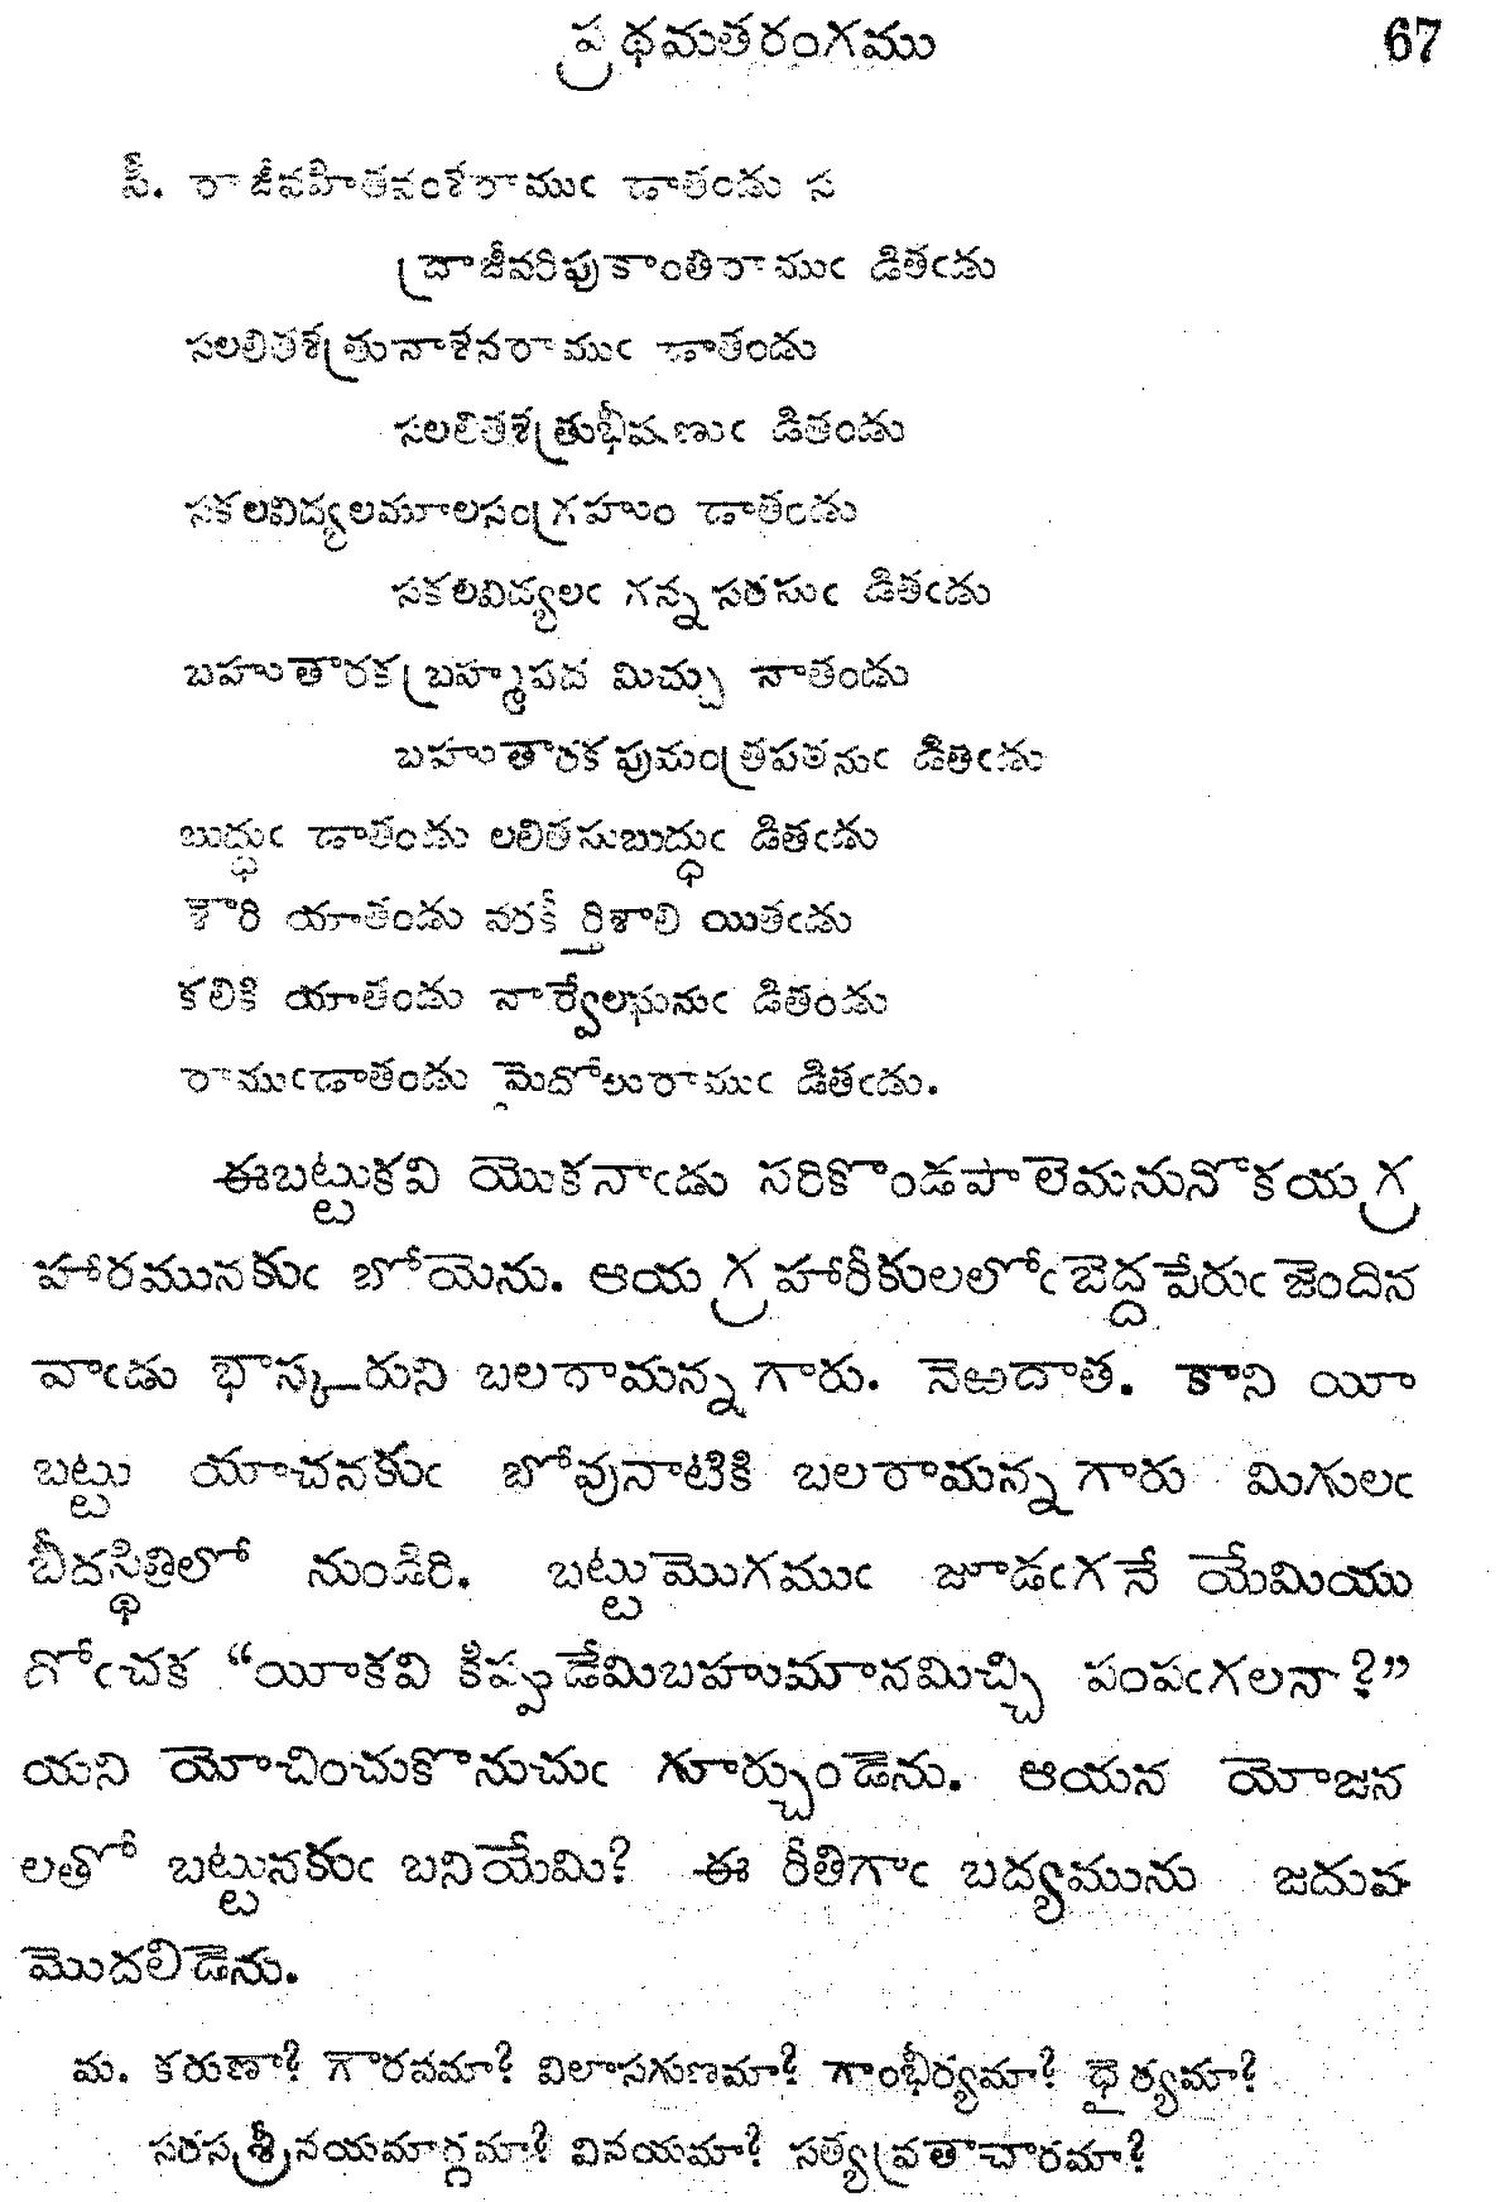సీ. రాజీవహితవంశరాముఁ డాతండు స
 ద్రాజీవరిపుకాంతిరాముఁ డితఁడు
 సలలితశత్రునాశనరాముఁ డాతండు
 సలలితశత్రుభీషణుఁ డితండు
 సకలవిద్యలమూలసంగ్రహుం డాతండు
 సకలవిద్యలఁ గన్నసరసుఁ డితఁడు
 బహుతారకబ్రహ్మపద మిచ్చు నాతండు
 బహుతారకపుమంత్రపఠనుఁ డితఁడు
 బుద్ధుఁ డాతండు లలితసుబుద్ధుఁ డితఁడు
 శౌరి యాతండు వరకీర్తిశాలి యితఁడు
 కలికి యాతండు నార్వేలఘనుఁ డితండు
 రాముఁ డాతండు మైదోలురాముఁ డితఁడు.

ఈబట్టుకవి యొకనాఁడు సరికొండపాలెమను నొకయగ్రహారమునకుఁ బోయెను. ఆయగ్రహారీకులలోఁ బెద్దపేరుఁ జెందినవాఁడు భాస్కరుని బలరామన్నగారు. నెఱదాత. కాని యీబట్టు యాచనకుఁ బోవునాటికి బలరామన్నగారు మిగులఁ బీదస్థితిలో నుండిరి. బట్టుమొగముఁ జూడఁగనే యేమియు దోఁచక “యీకవి కిప్పుడేమిబహుమాన మిచ్చి పంపఁగలనా?” యని యోచించుకొనుచుఁ గూర్చుండెను. ఆయన యోజనముతో బట్టునకుఁ బనియేమి? ఈరీతిగాఁ బద్యమును జదువ మొదలిడెను.

మ. కరుణా? గౌరవమా? విలాసగుణమా? గాంభీర్యమా? ధైర్యమా?
 సరసశ్రీనయమార్గమా? వినయమా? సత్యవ్రతాచారమా?